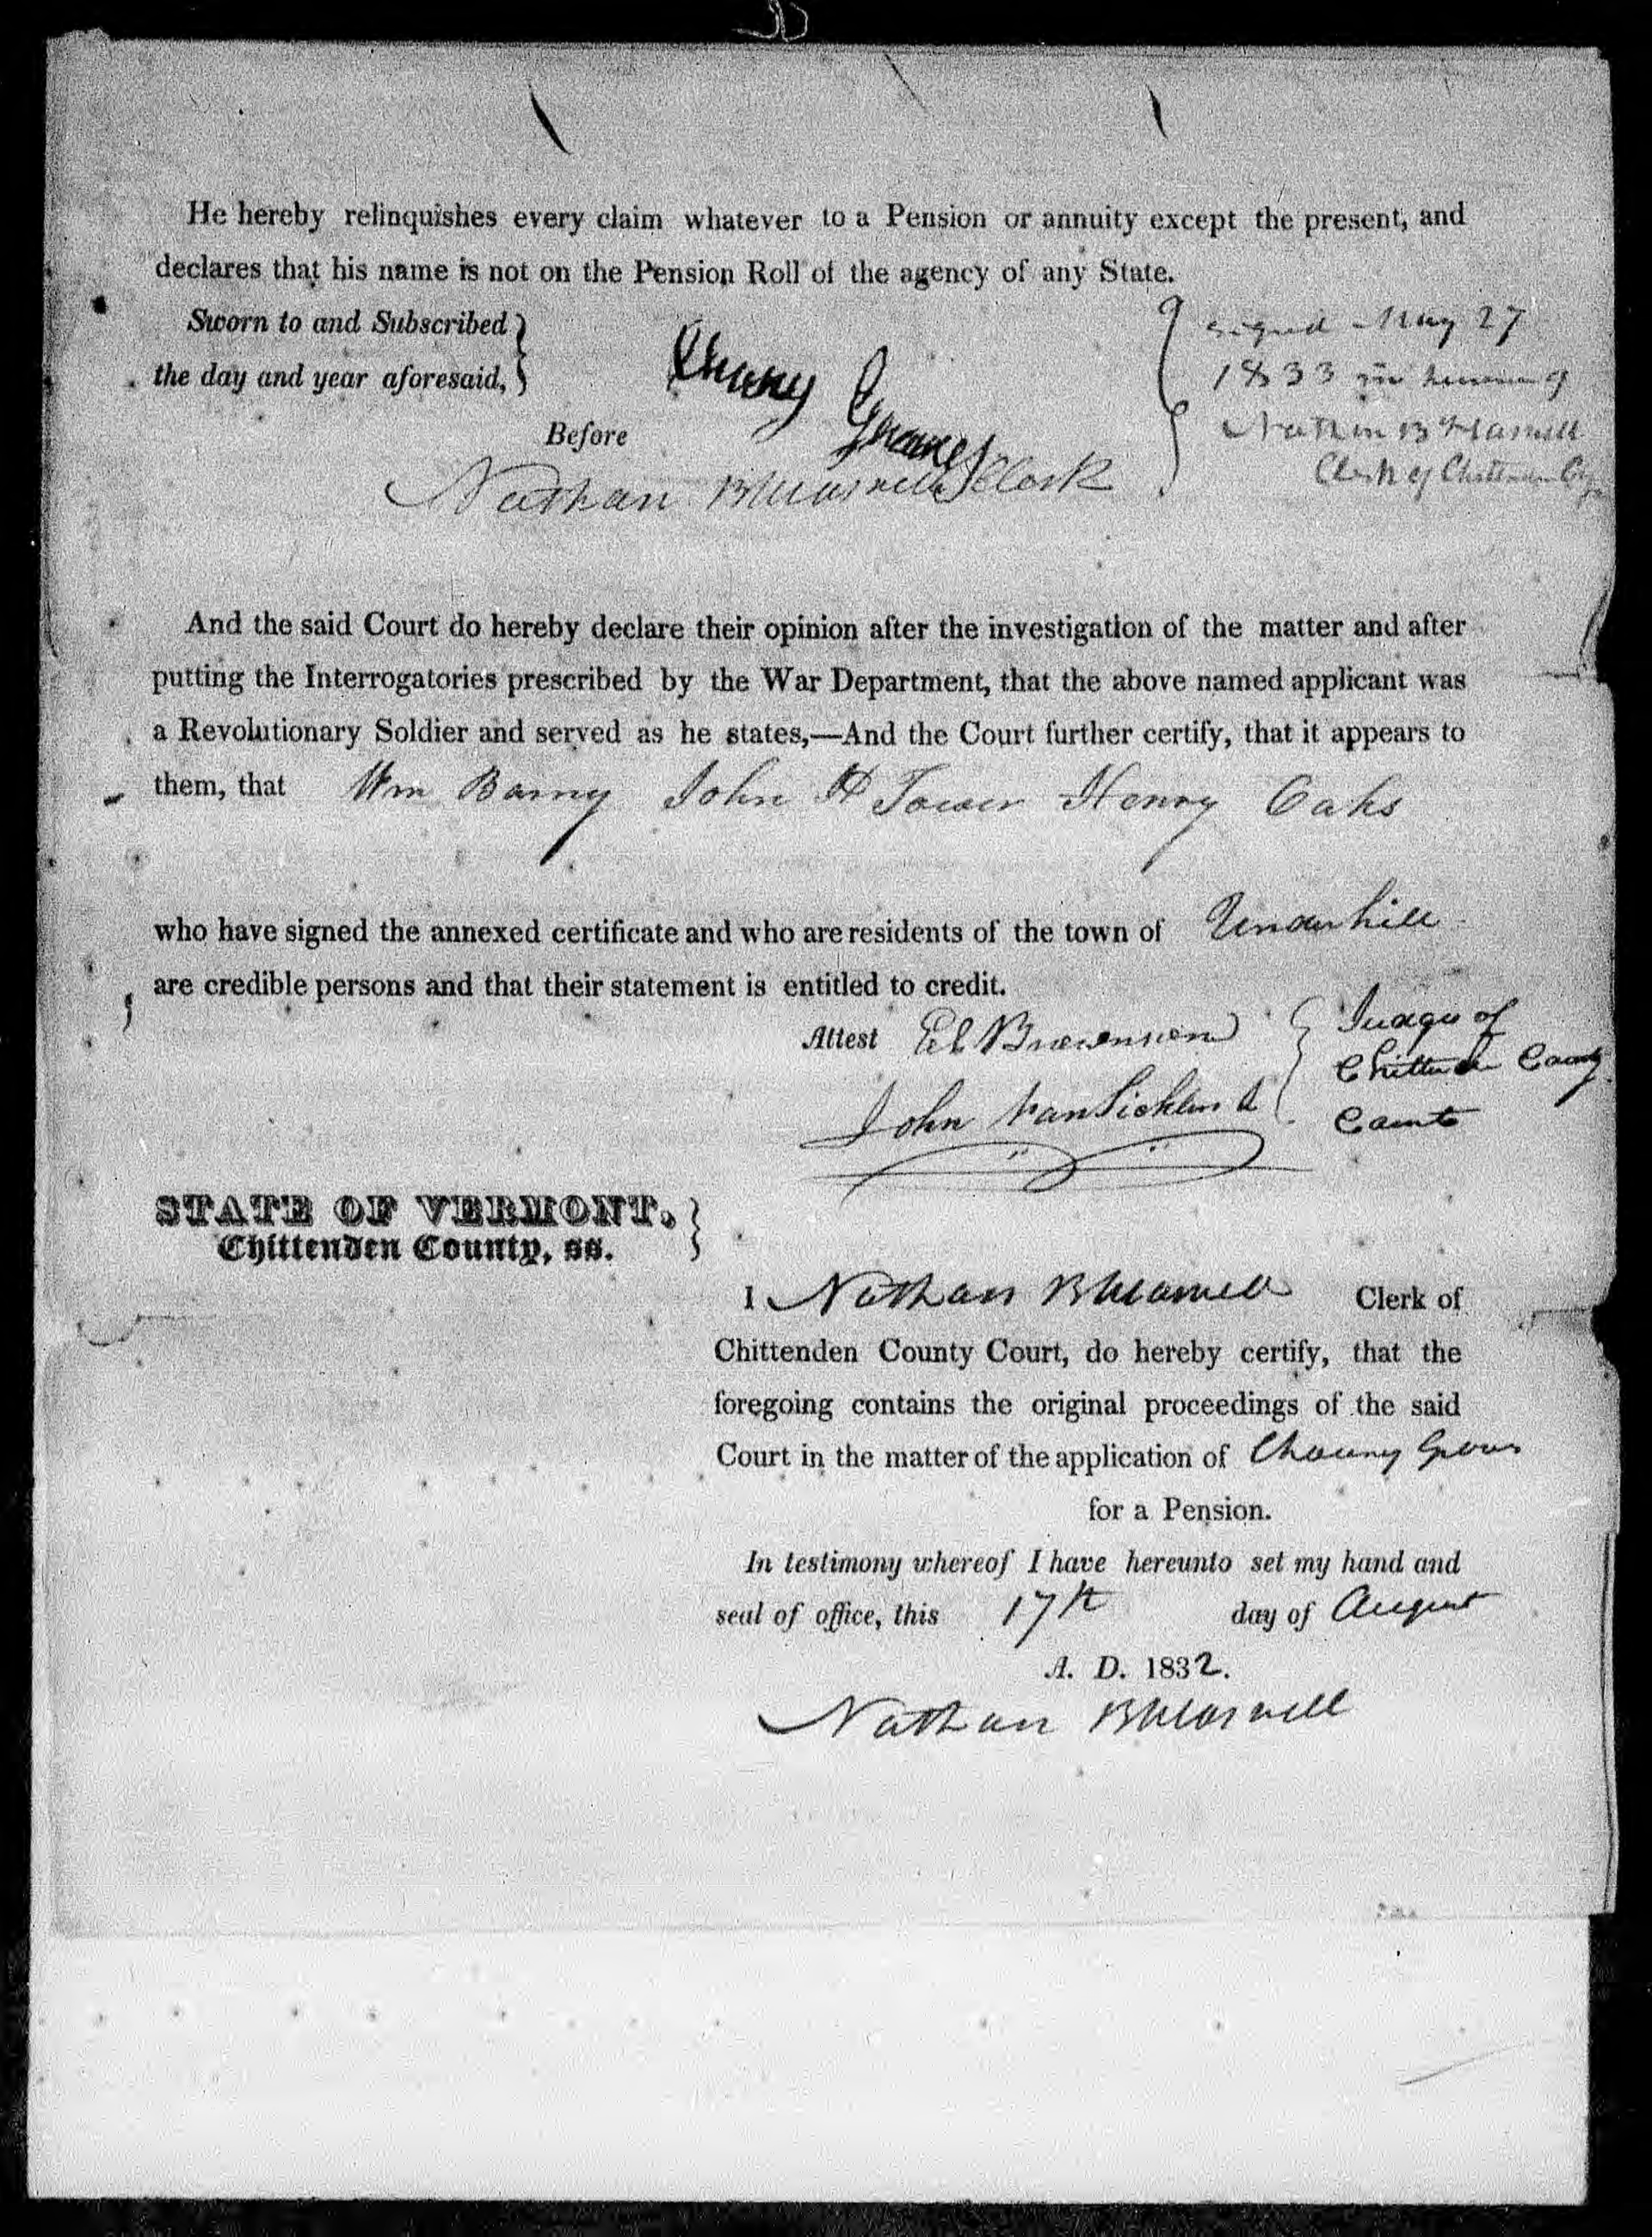He hereby relinquishes every claim whatever to a Pension or annuity except the present, and declares that his name is not on the Pension Roll of the agency of any State.
Sworn and Subscribed the day and year aforesaid Chancy Graves 
signed May 27 1833 in ?
Nathan B Maswell 
Clerk of Chittenden Co

And the said court do hereby declare their opinion after the investigation of the matter and after putting the Interrogatories prescribed by the War Department, that the above named applicant was a Revolutionary Soldier and served as he states, - And the court further certify, that it appears to the that Wm Barny  John H Tower  Henry Oaks   who have signed the annexed certificate and who are residents of the town of Underhill are credible persons and their statement is entitled to credit.

Attest Eli Brownson   John Van Sicklen Judges of Chittenden County Court

State of Vermont
Chittenden County, ss

I Nathan B Maxwell Clerk of Chittenden County Court, do hereby certify, that the foregoing contains the original proceedings of the said Court in the matter of the application of Chauncy Graves for a Pension.
In testimony whereof I have hereto set my hand and seal of office this 17th day of August A.D. 1832
Nathan B Maswell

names: Nathan B Maswell, Henry Oaks, Nathan B Maswell, Chany Graves, John H Tower, Wm Barny, Nathan B Maswell, Nathan B Maswell, Eli Brownson, John Van Sicklen, Chauncy Graves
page: 4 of 24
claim: survivor's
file: S. 15869, Chauncey Graves, Vt.